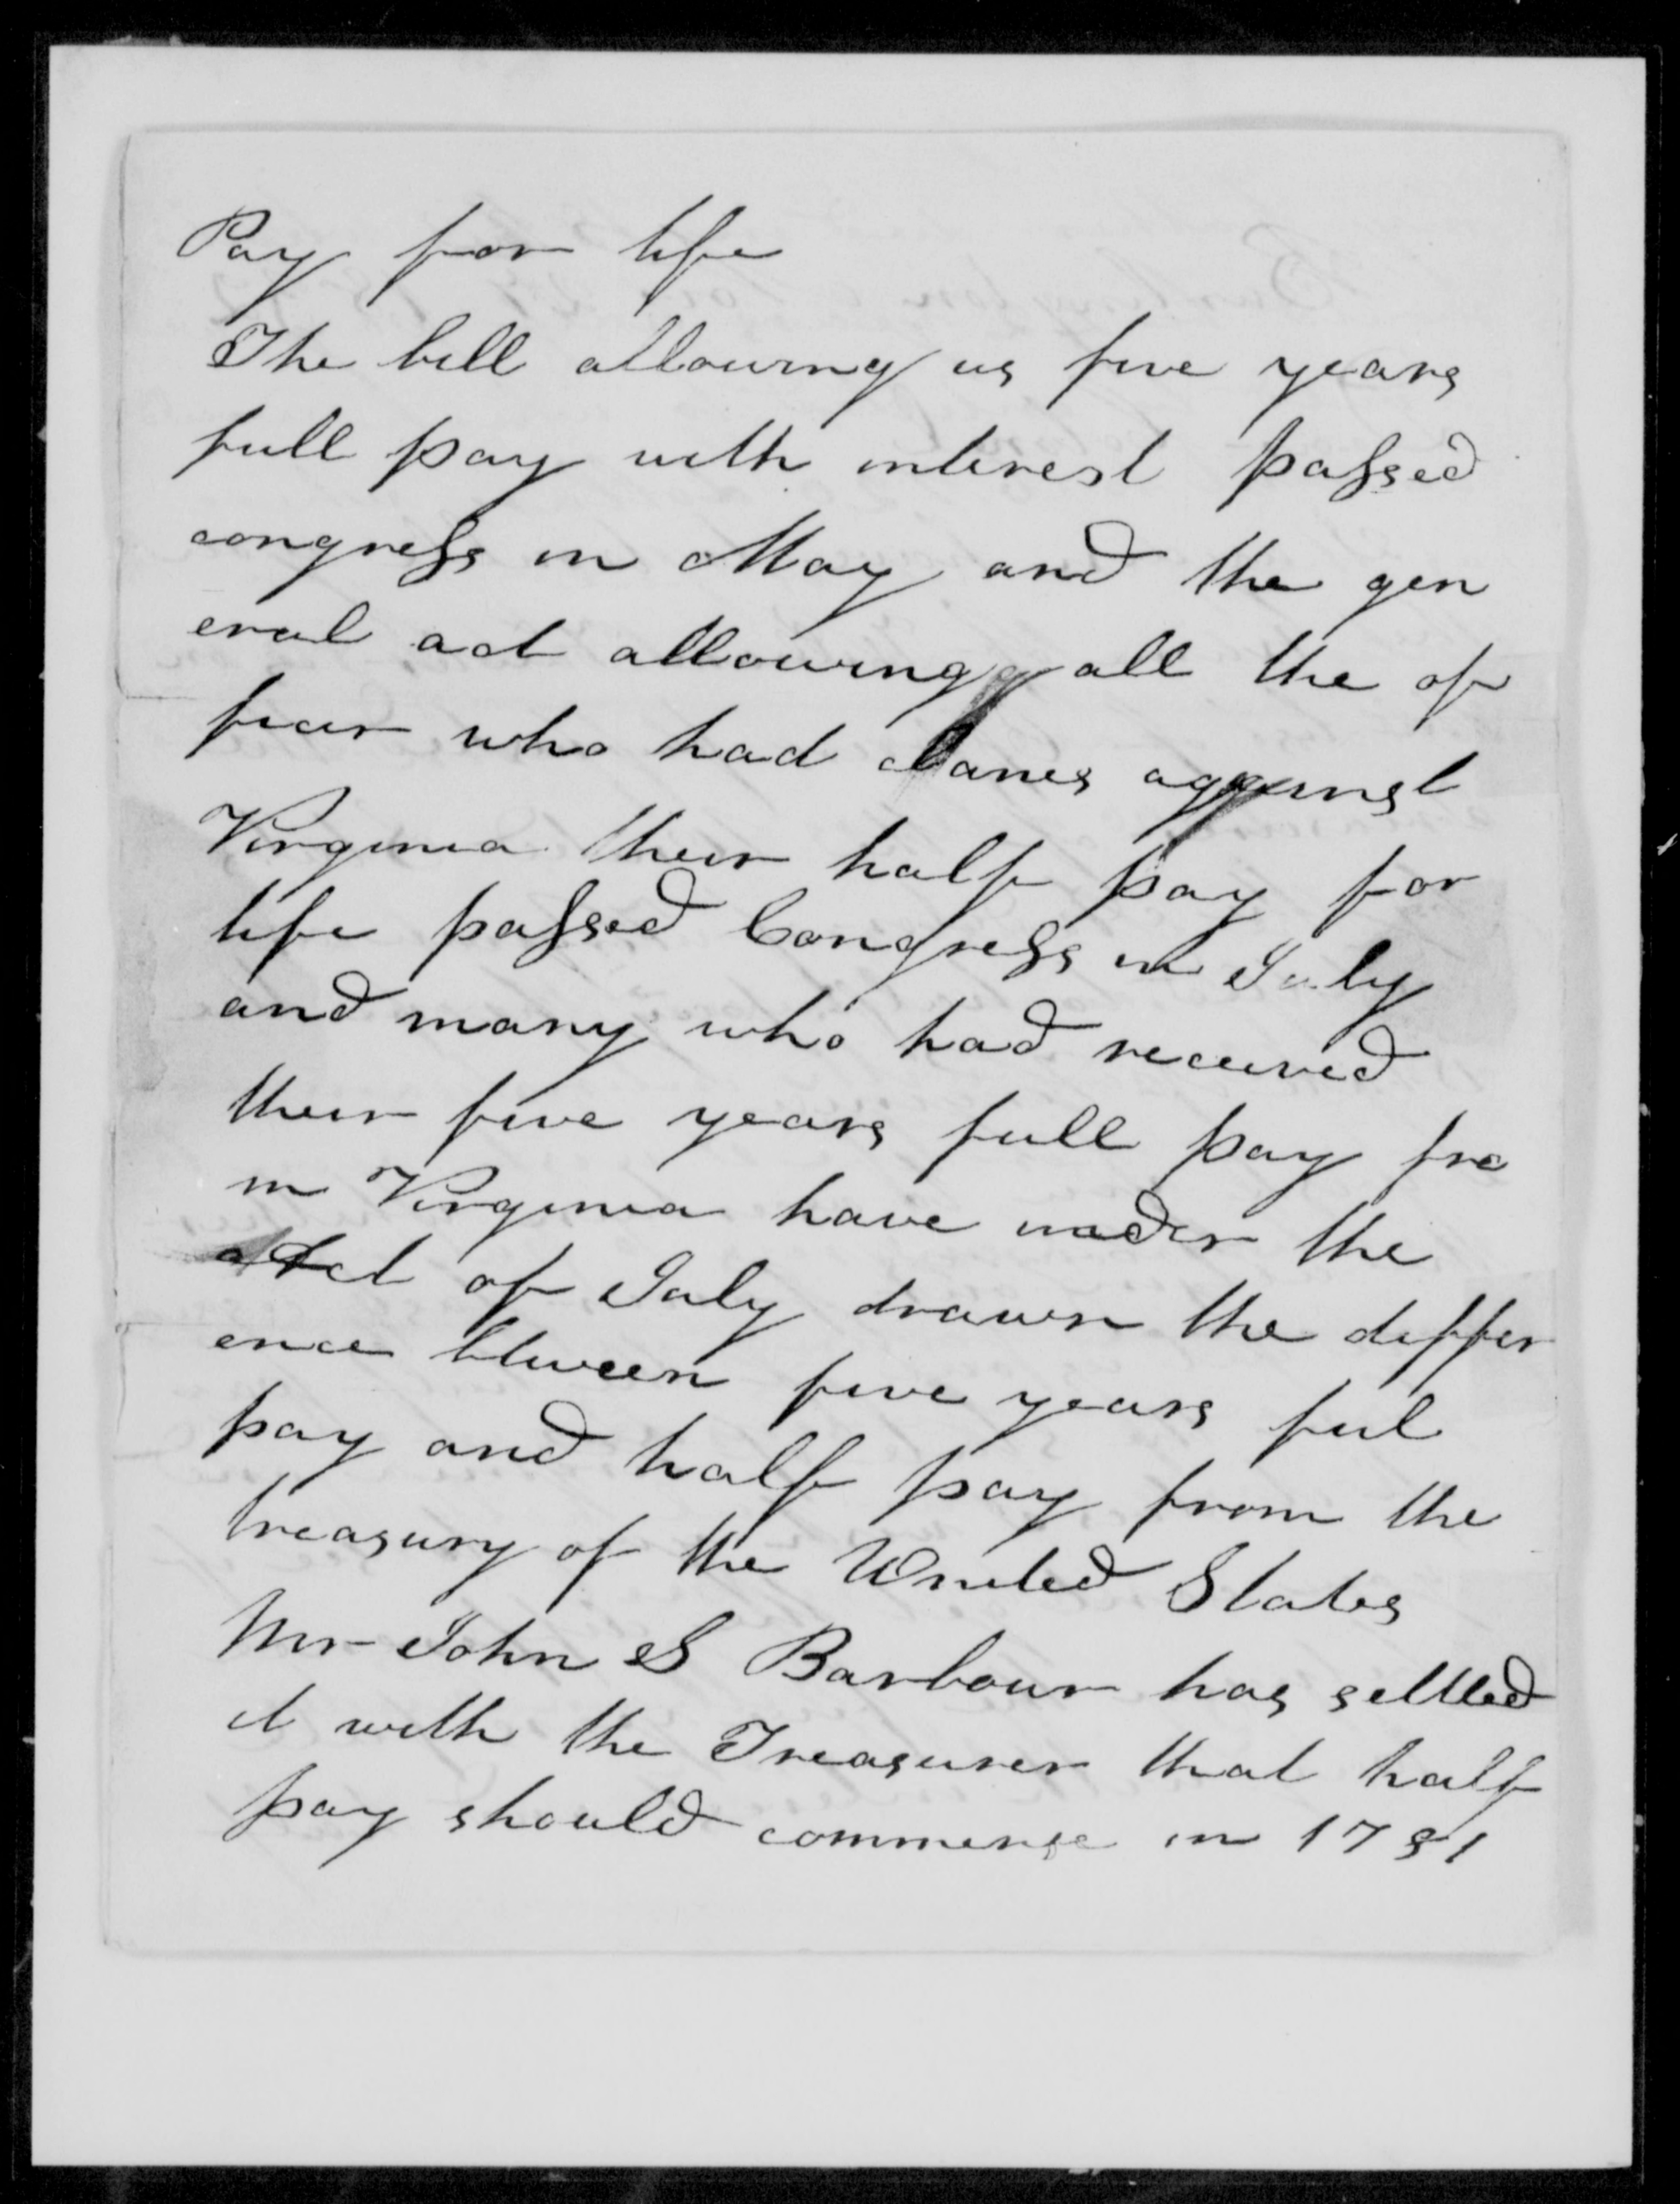Pay for life
The bill allowing us five years
full pay with interest passed
congress in May and the general 
act allowing all the officers  
who had claims against
Virginia their half pay for
life passed Congress in July
and many who had received
their five years full pay from 
Virginia have under the
Act of July drawn the difference 
between five years ful [full]
pay and half pay from the
Treasury of the United States
Mr John S Barbour has settled
it with the Treasurer that half
pay should commence in 1781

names: John S Barbour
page: 11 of 51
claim: rejected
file: R. 10,921, William Vawter, Va.